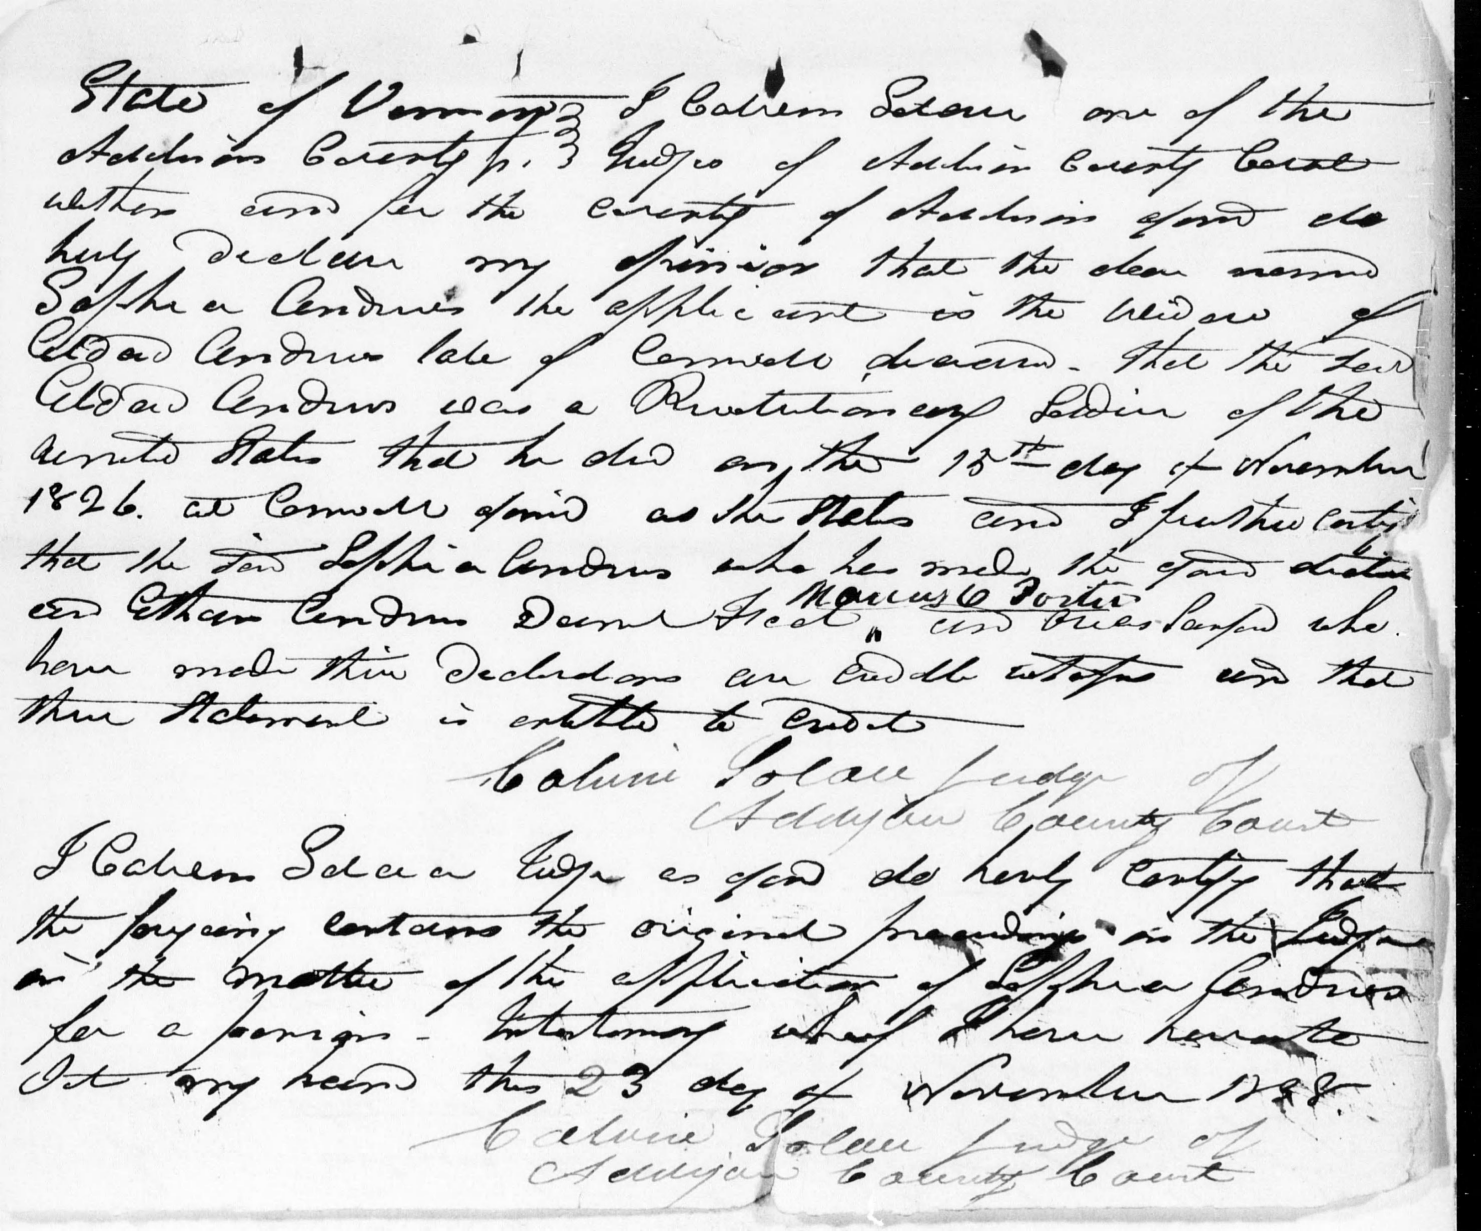State of Vermont I 
Addison County ⎬ 
I Calvin Solan one of the Jude of 
of Addison County Court weather
and for the County of Addison aforesaid do duly
declare my opinion that the dear name
Sophia Andrews the applicant is the widow of Eldad Andrews late of Cornwall death-That the 
 said Eldad Andrews was  a Revolutionary soldier of the United States that he did on the 15th day of November
1826 at Cornwell aforesaid as she states and I further certify that the said Sophia Andrews who has met the aforesaid didn't and Ethan Andrews.   Marcus O Porter

Daniel Feat and Pries Sanford who have made their declaration an credible witness and that
three claim is entitled to credit
Calvine Solan Place Judge of Addison County Court
I Calvin Solan, Judge aforesaid do hereby certify that the foregoing certain the original
 preceding in the Judge in the matter of the application of Sophia Andrews for a foreign-Intermarriage whereof I have hereunto set my hand this 23rd day of November 1838.

Calvin Solan Judge of Addison County Court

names: Sophia Andrus, Marcus O Porter, Calvin Solan, Eldad Andrws, Sophia Andrws, Calvin Solan, Calvin Solan, Eldad Andrws, Sophia Andrus, Ethan Andrws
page: 19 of 27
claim: rejected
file: R. 223, Eldad Andrus, Vt.